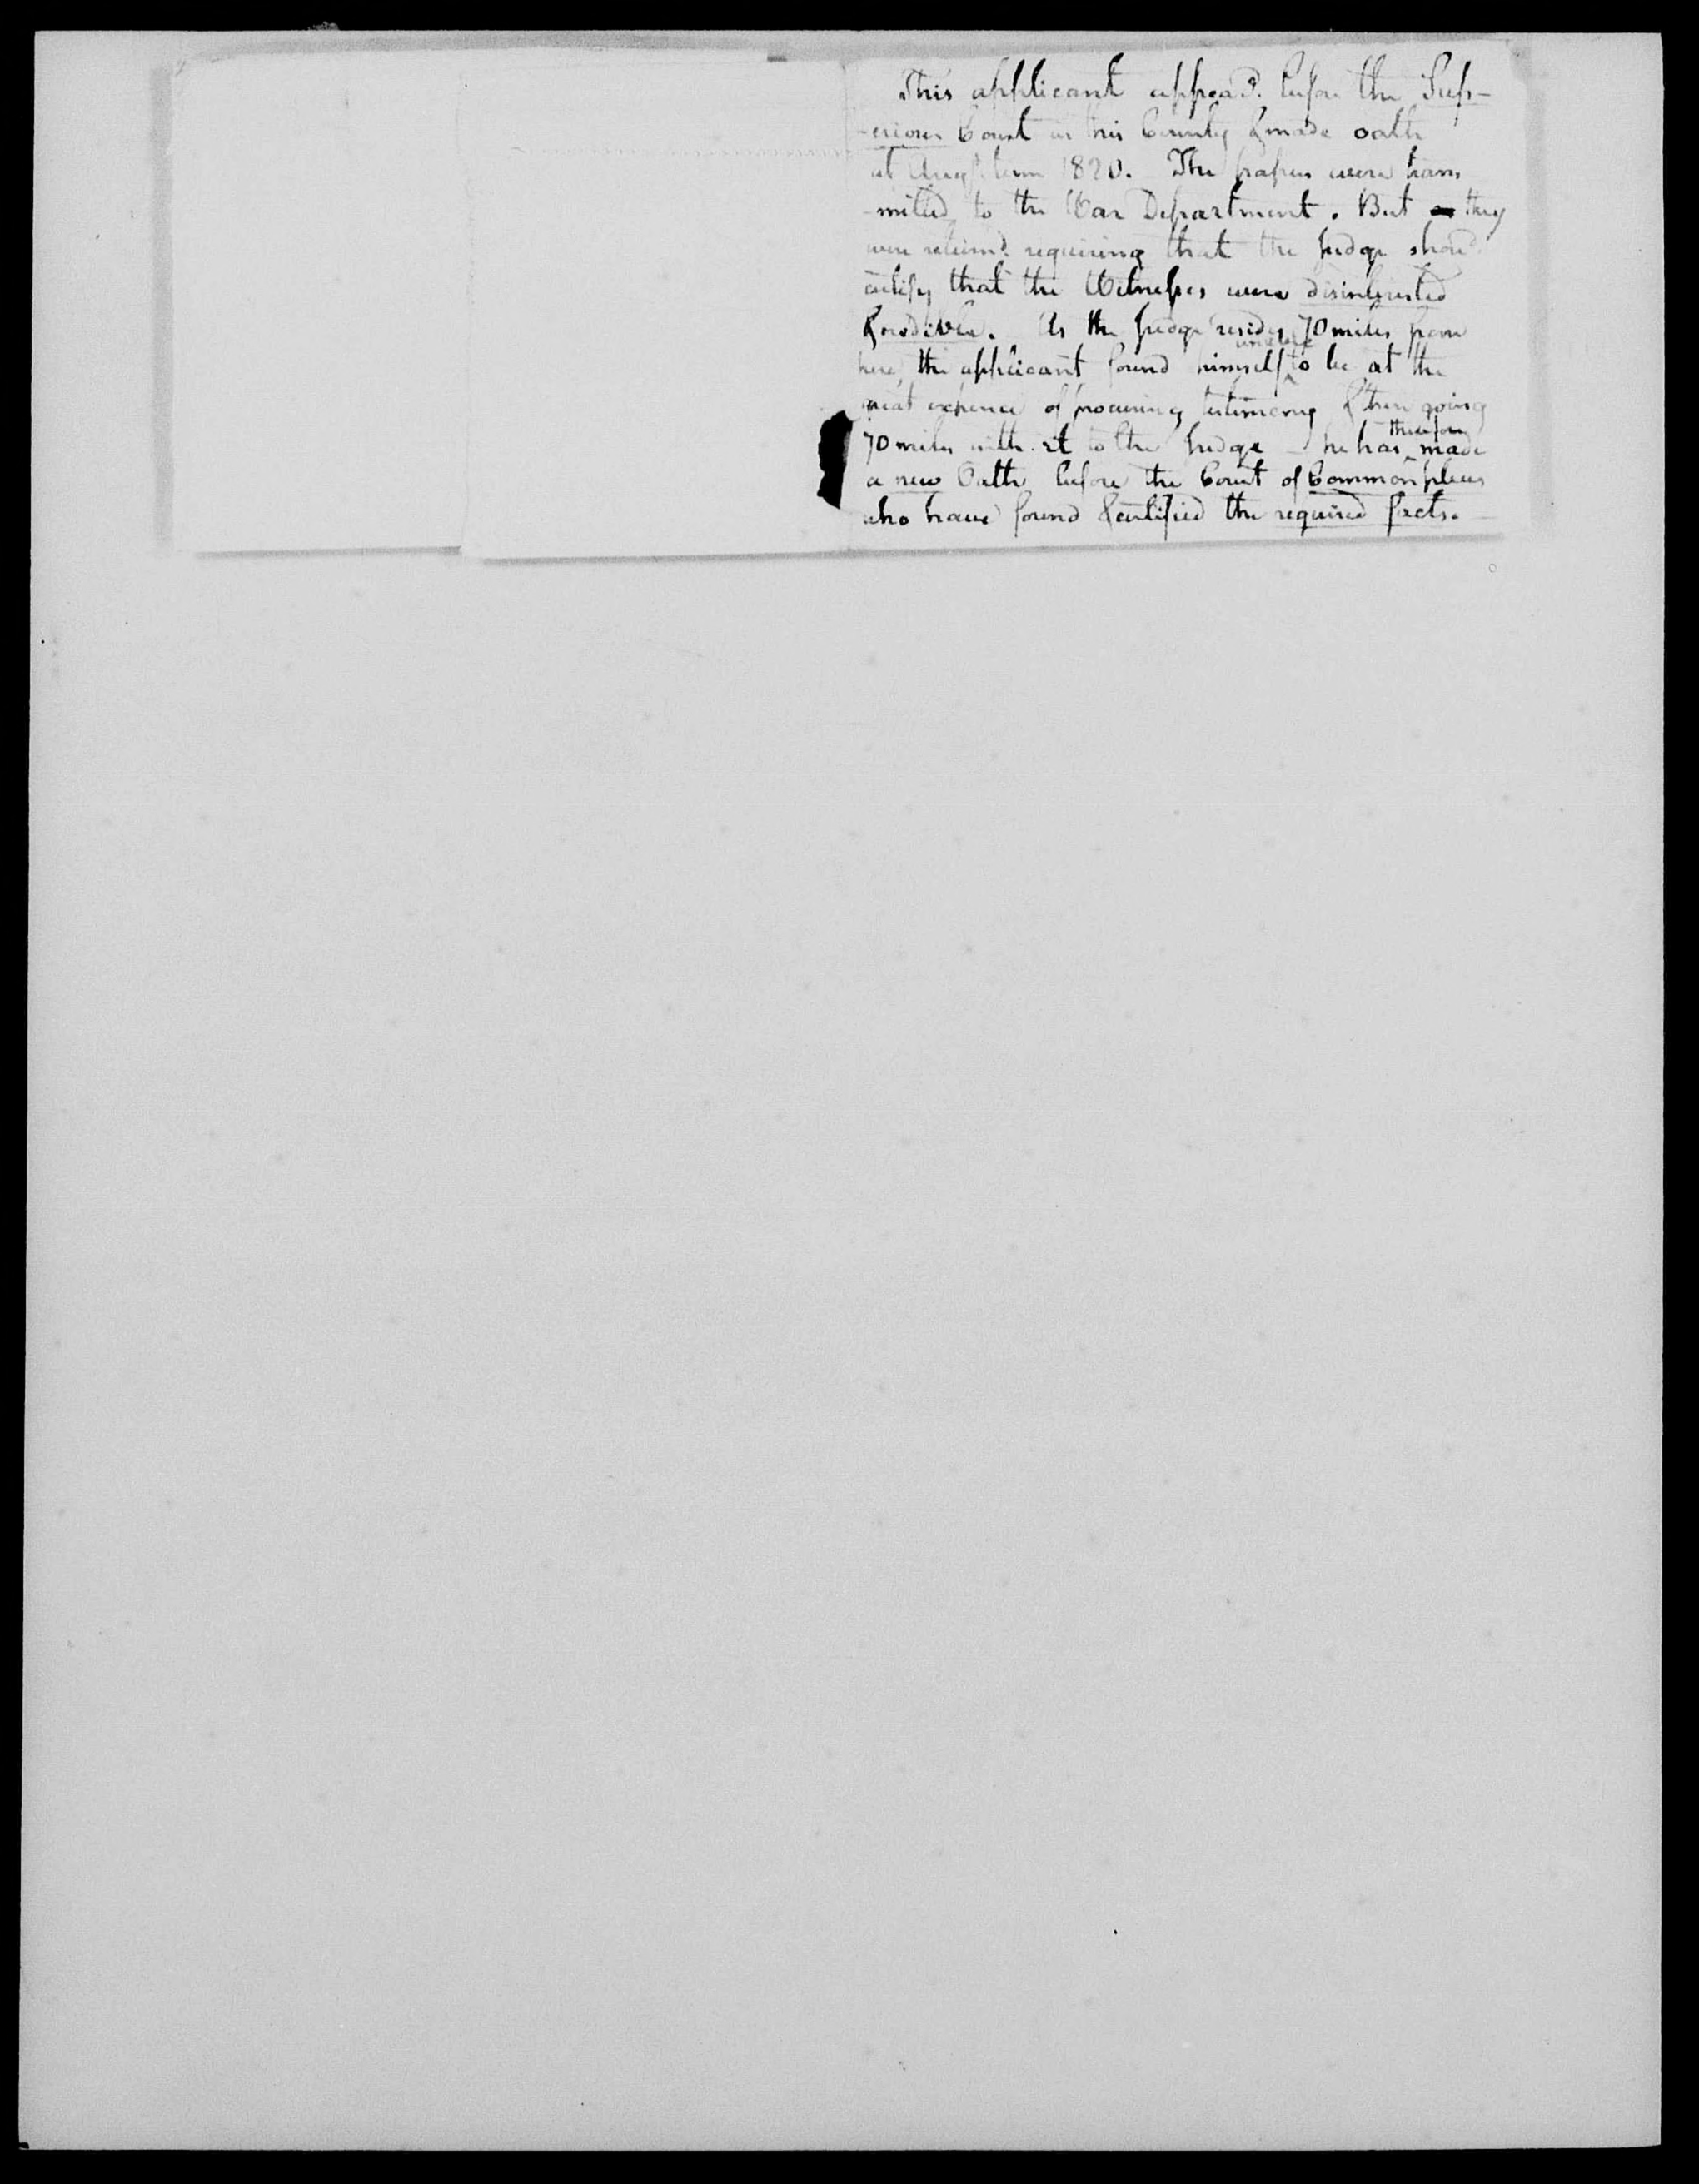This applicant appeared for the Superior
Court in this county & made oath
at Bethlehem 1820.  The papers were transmitted
to the War Department. But they
were returned. requiring that the Judge should
certify that the witnesses were disinterested
[illegible]. As the Judge is 70 miles from
here, the applicant found himself unable to be at the
great expence of procuring testimony & then going
70 miles without to the Judge & he has therefore made
a new Oath before the Court of Common pleas
who have found certified the required facts.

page: 8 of 12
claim: survivor's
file: S. 36,233, for John Platt, Connecticut